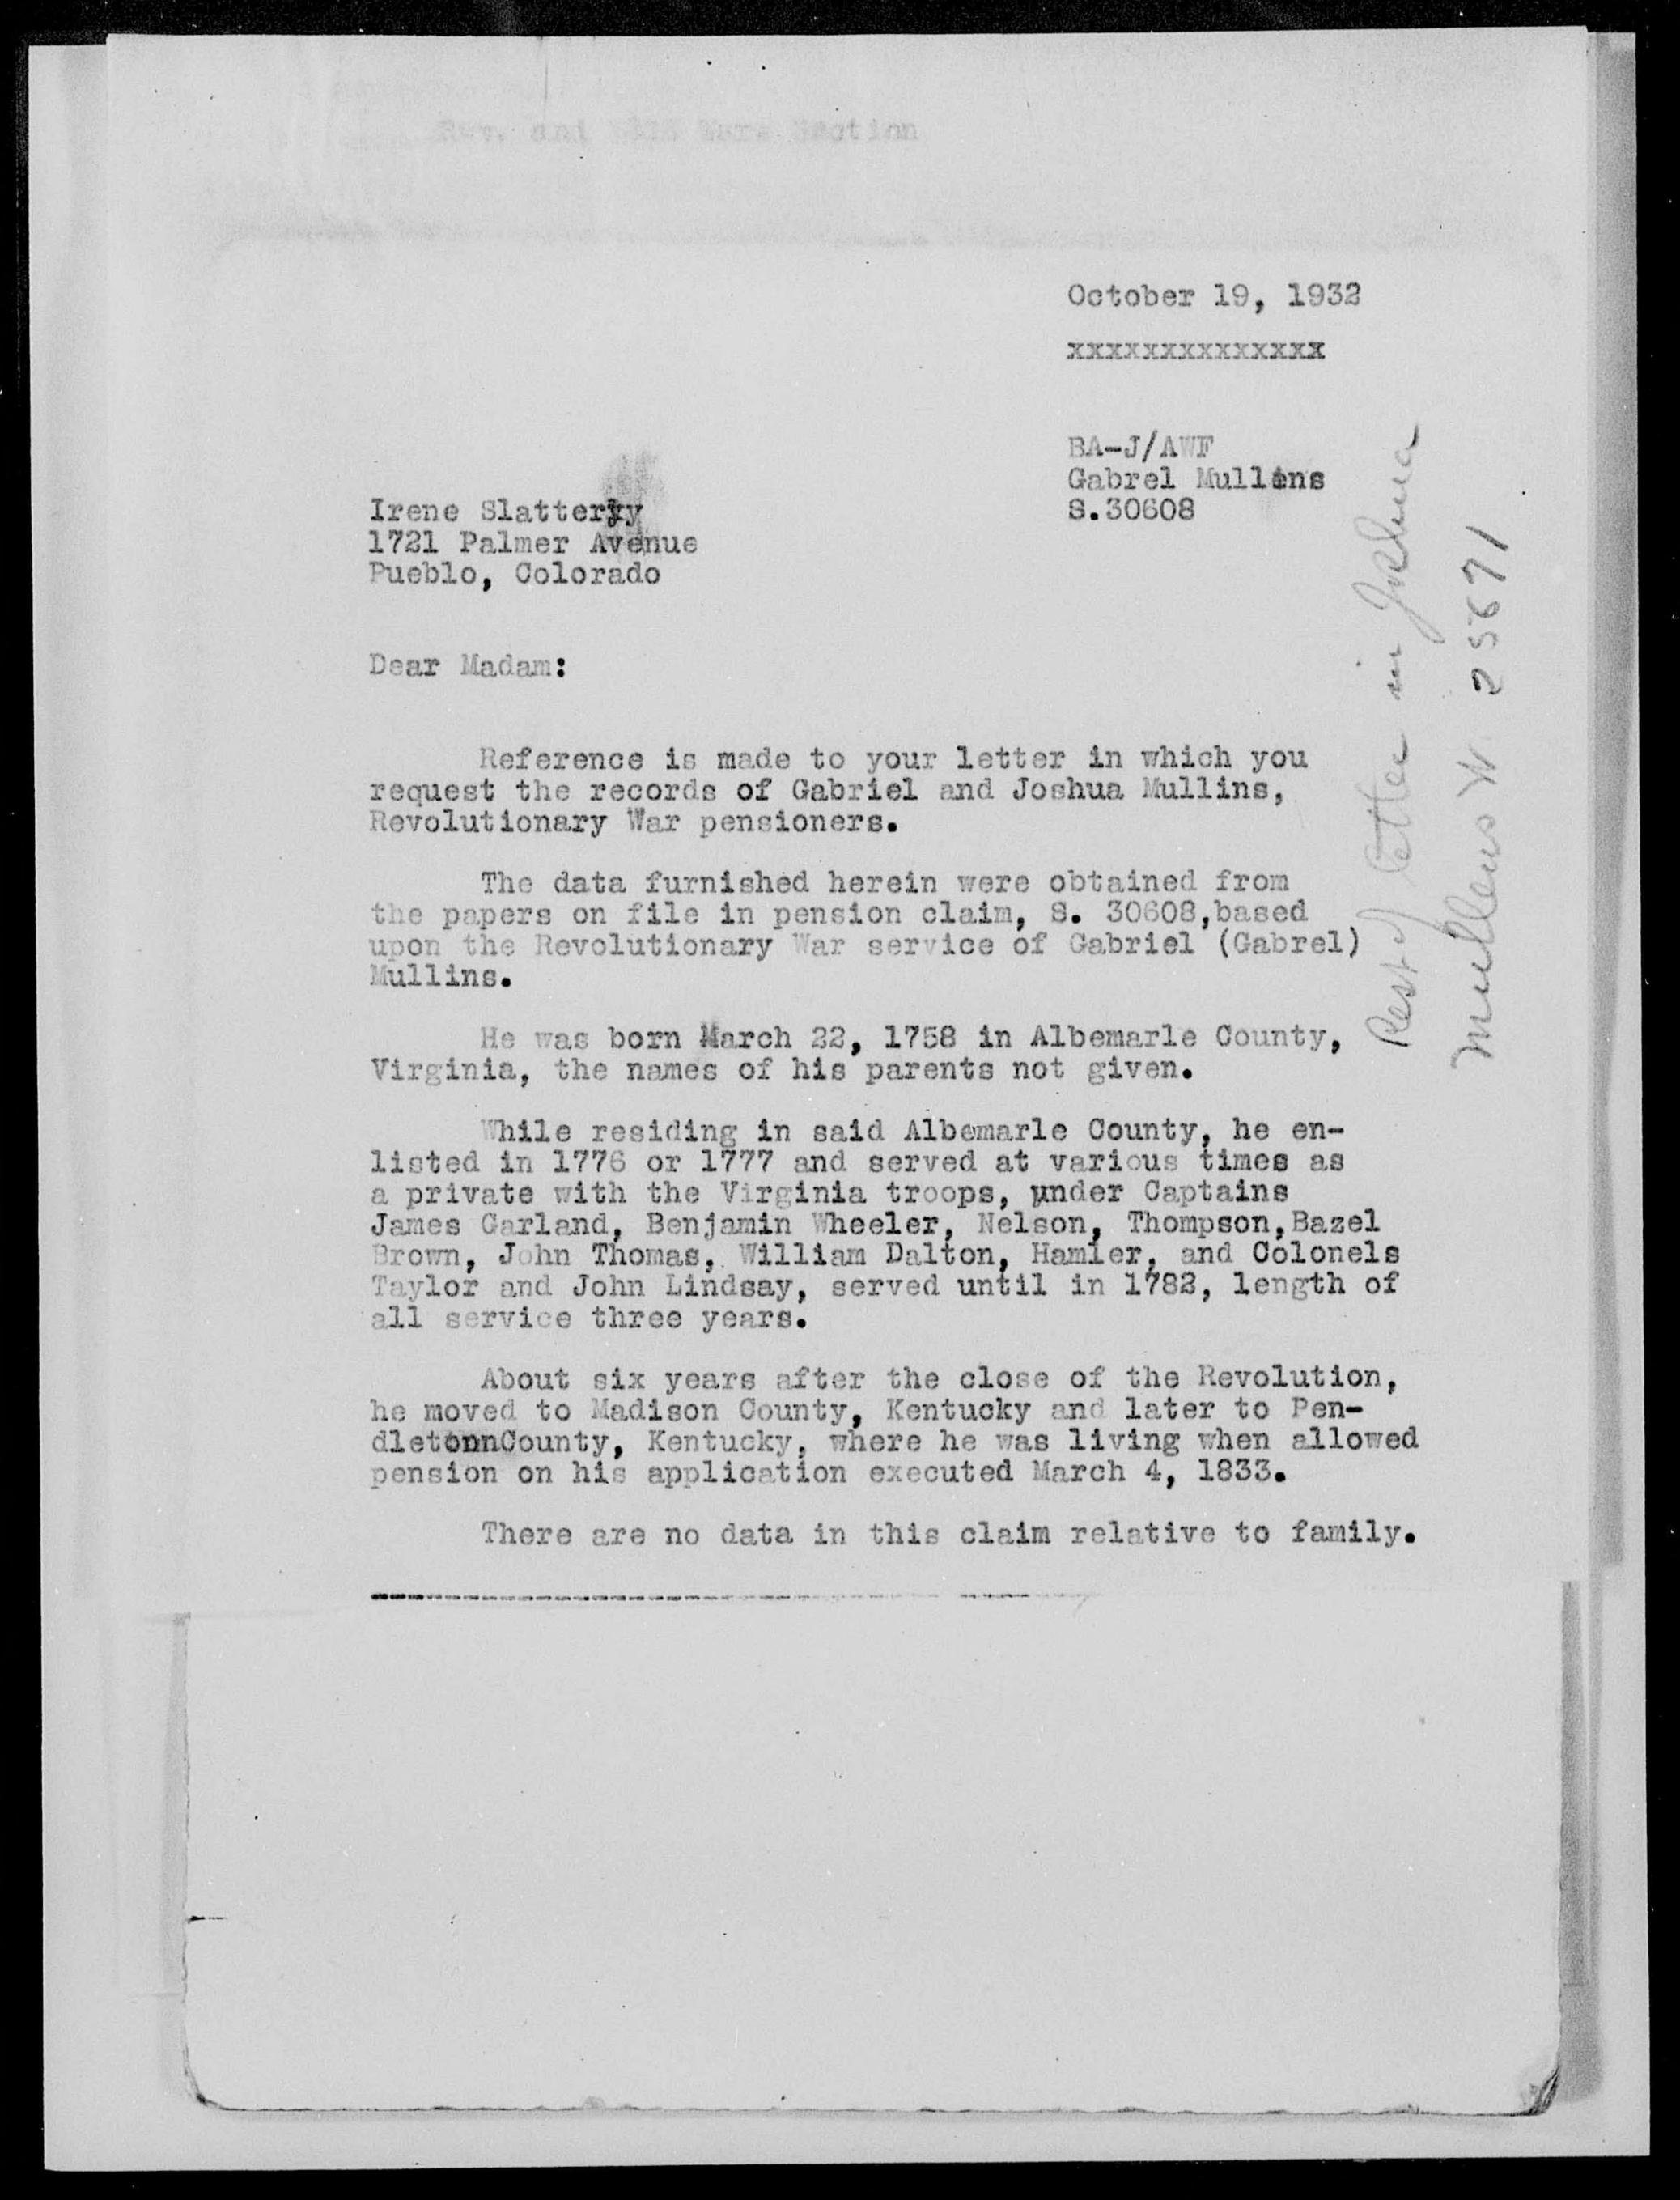October 19, 1932
                                                   XXXXXXXXXXXXXX


                                                   BA-J/AWF
                                                   Gabrel Mullins
                                                   S. 30608              

Irene Slattery
1721 Palmer Avenue
Pueblo, Colorado

Dear Madam:

            Reference is made to your letter in which you
request the records of Gabriel and Joshua Mullins,
Revolutionary War pensioners.
The data furnished herein were obtained from
the papers on file in pension claim, S. 30608, based
upon the Revolutionary War service of Gabriel (Gabrel)
Mullins.
He was born March 22, 1758 in Albemarle County,
Virginia, the names of his parents not given.
While residing in said Albemarle County, he enlisted
in 1776 or 1777 and served at various times as a
private with the Virginia troops, under Captains
James Garland, Benjamin Wheeler, Nelson, Thompson, Bazel[Brazie]
Brown, John Thomas, William Dalton, Hamler, and Colonels
Taylor and John Lindsay, served until in 1782, length
all service three years.
About six years after the close of the Revolution,
he moved to Madison County, Kentucky and later to Pen-
dleton County, Kentucky, where he was living when allowed
pension on his application executed March 4, 1833.

There are no data in this claim relative to family.

[written in margin:] Rest of letter in Joshua Mullins   W   25671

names: William Dalton; Taylor Lindsay; Joshua Mullins; John Lindsay; [BLANK] Nelson; [BLANK] Hamler; Gabrel Mullins; Irene Slattery; [BLANK] Thompson; Gabriel Mullins; John Thomas; Benjamin Wheeler; Bazel Brown; James Garland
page: 32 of 34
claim: survivor's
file: S. 30608, for Gabrel Mullins, Virginia